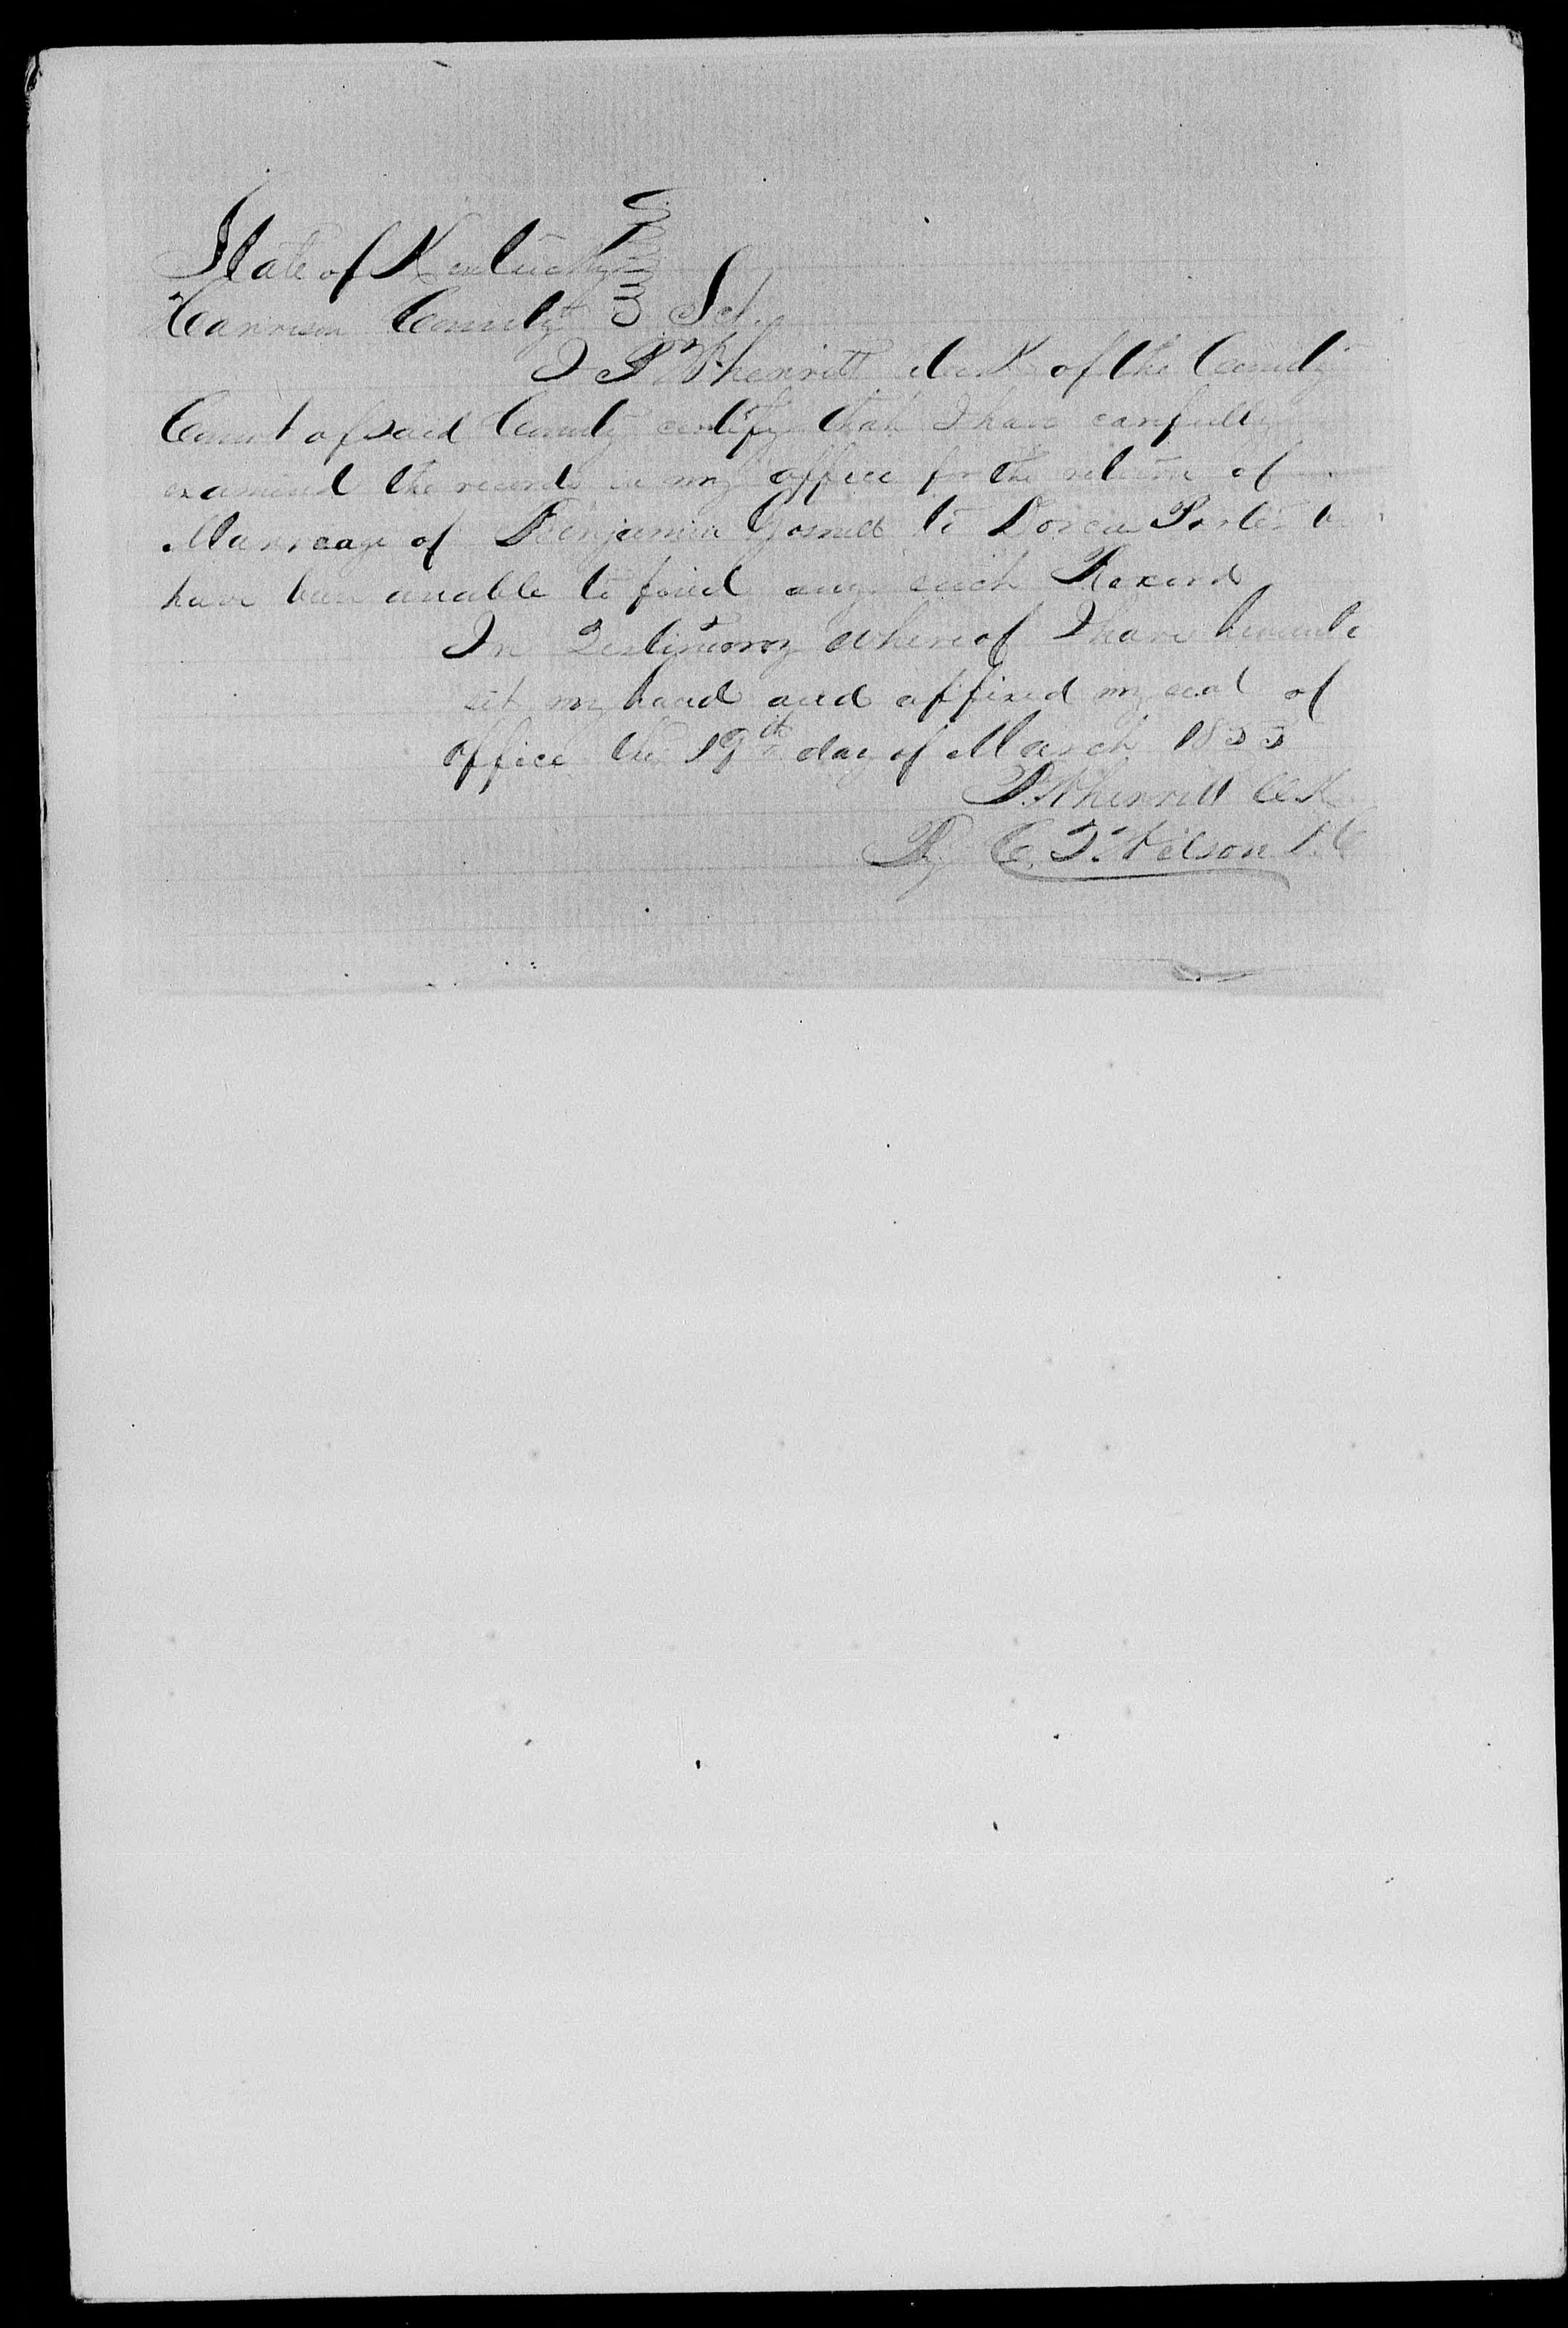State of Kentucky
Harrison County} Sct
I P Wherritt [Perry Wherritt] Clerk of the County Court of said County certify that I have carefully examined the record of my office for the [record] of Marriage of Benjamin Gosnell to Dorcas Porter but have been unable to find any such Record
In Testimony whereof I have hereunto set my hand and affixed my seal of office the 19th day of March 1855
P: Wherritt Clk
Py: C. T. Nelson, AC [possibly Associate Clerk]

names: Dorcas Porter, C T Nelson, Benjamin Gosnell, S Wherrit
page: 31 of 39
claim: widow's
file: W. 11060, Benjamin Gosnell, Va.